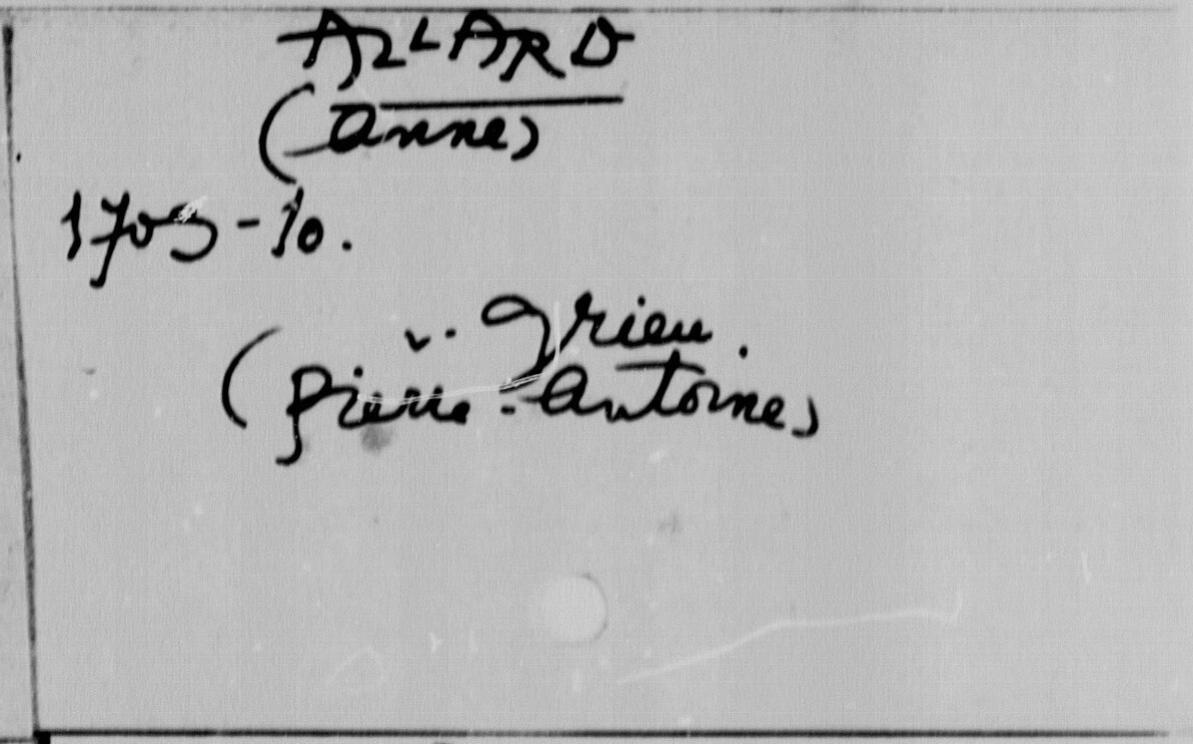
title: ALLARD (Anne)
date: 1709-1710
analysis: Voir Grieu (Pierre-Antoine)
